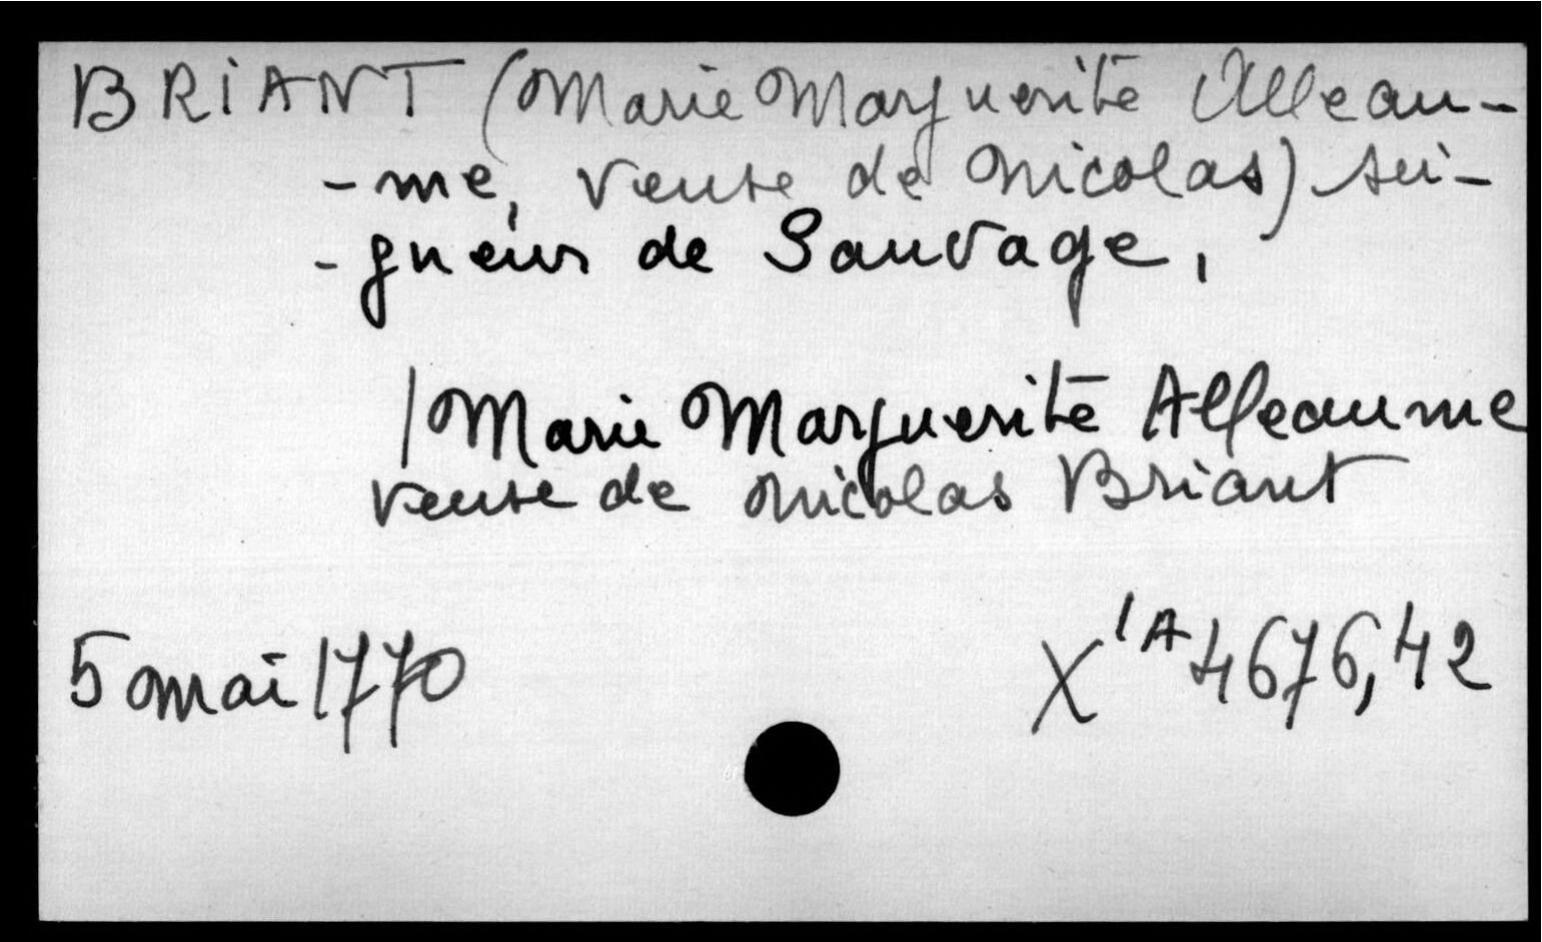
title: BRIANT (Marie Marguerite Alleaumme, veuve de Nicolas) seigneur de Sauvage
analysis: Contre Marie Marguerite Alleaume Veuve de Nicolas Briant
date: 5 mai 1770
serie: X1A
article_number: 4676
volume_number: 42
